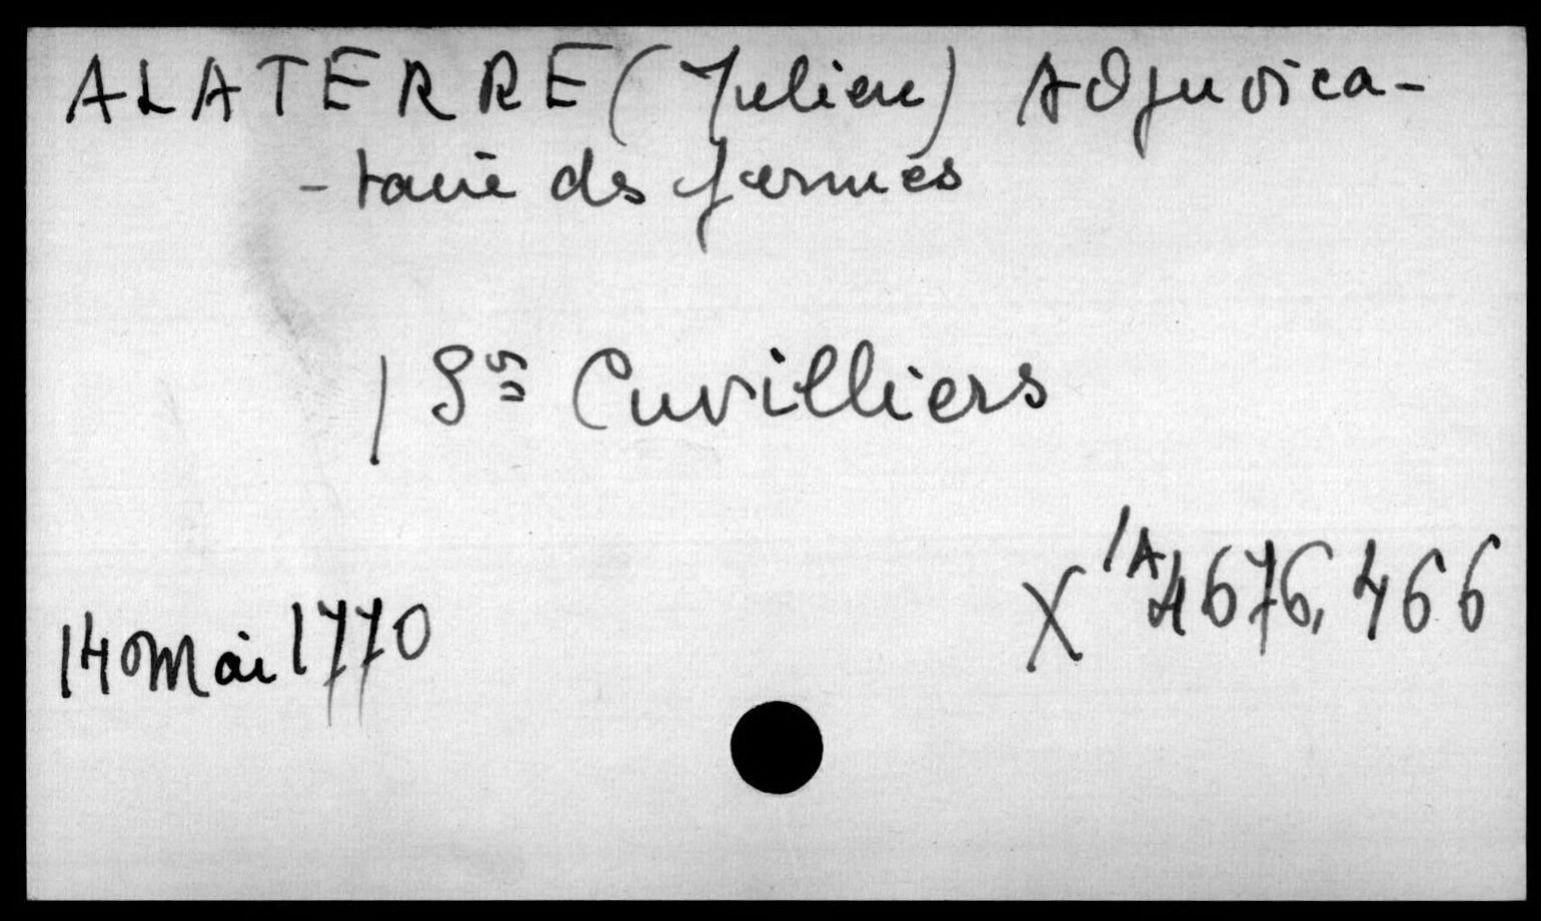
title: ALATERRE (Julien) Adjudicataire des fermes
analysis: Contre Sieur Cuvilliers
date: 14 mai 1770
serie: X1A
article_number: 4676
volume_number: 466
